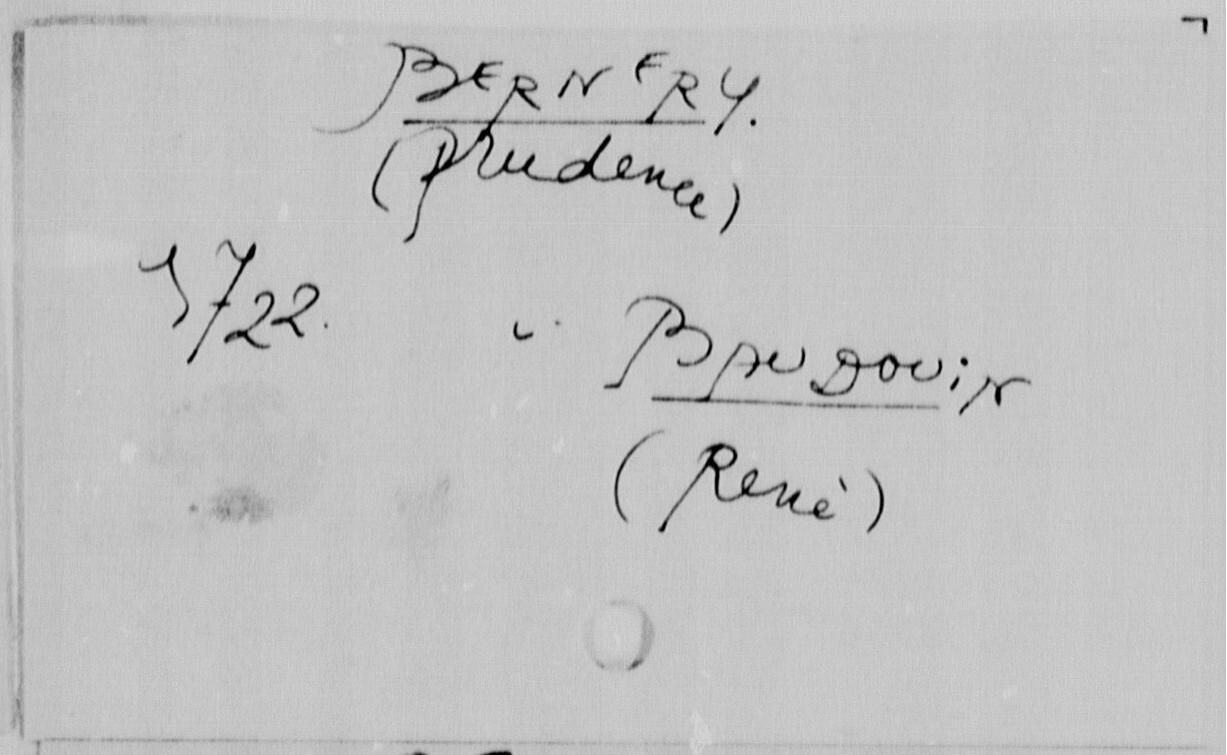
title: BERNERY (Prudence)
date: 1722
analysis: Voir BAUDOUIN (René)
